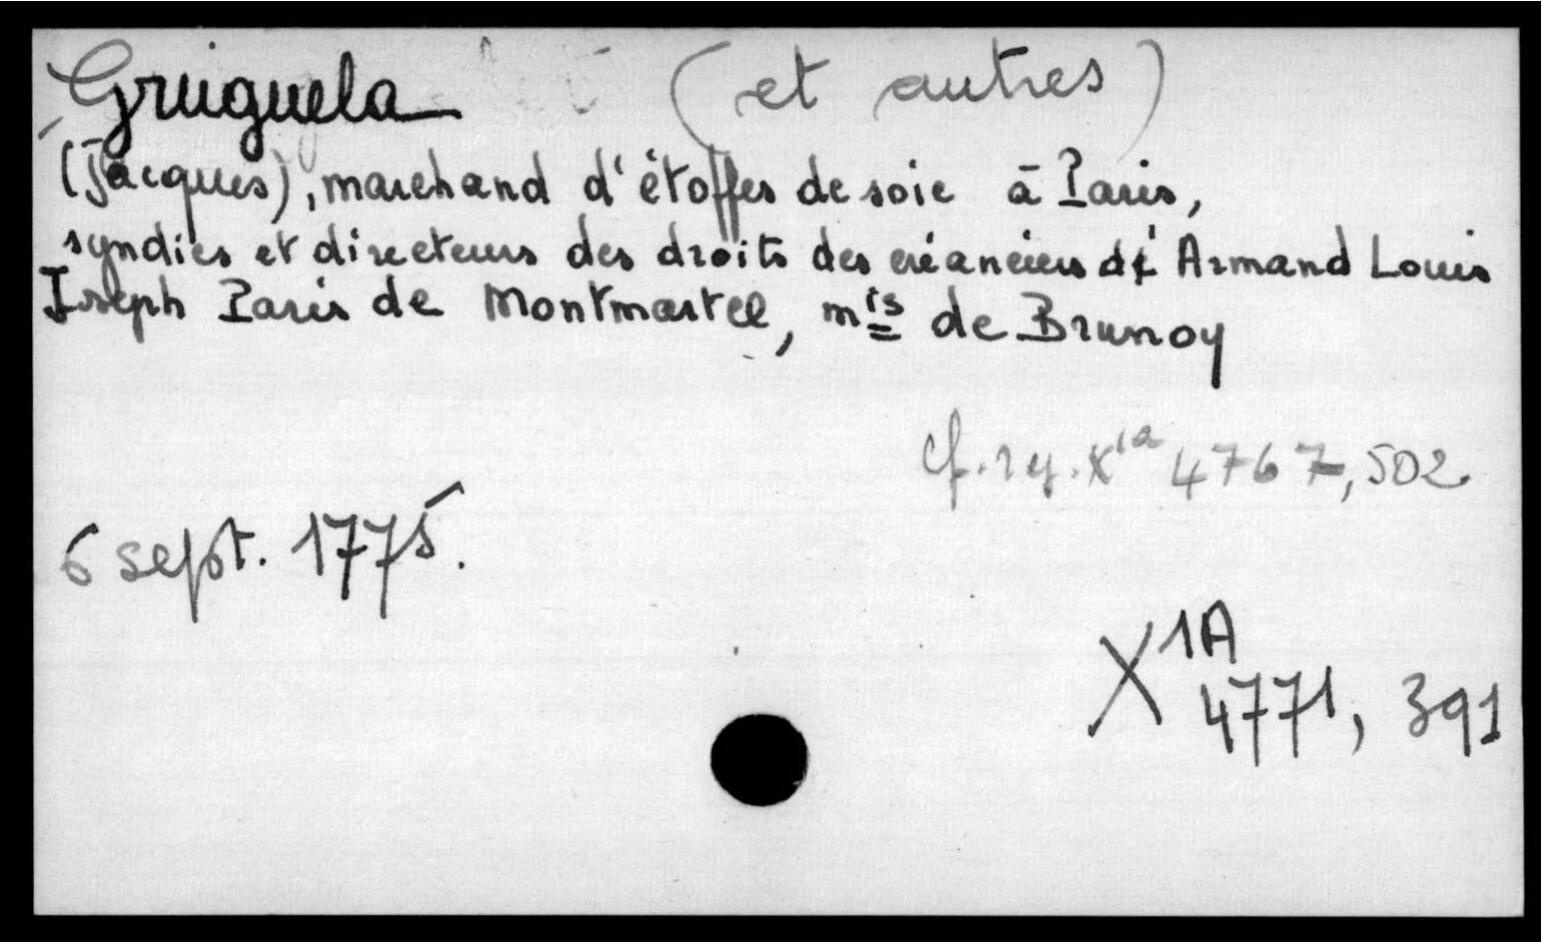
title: GRUGUELA (Jacques), marchand d'étoffes de soie à Paris, syndics et directeurs des droits des créanciers d'Armand Louis Joseph Paris de Montmartel, marquis de Brunoy
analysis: Cf reg. X1A 4767, 502
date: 6 septembre 1775
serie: X1A
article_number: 4771
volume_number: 391
